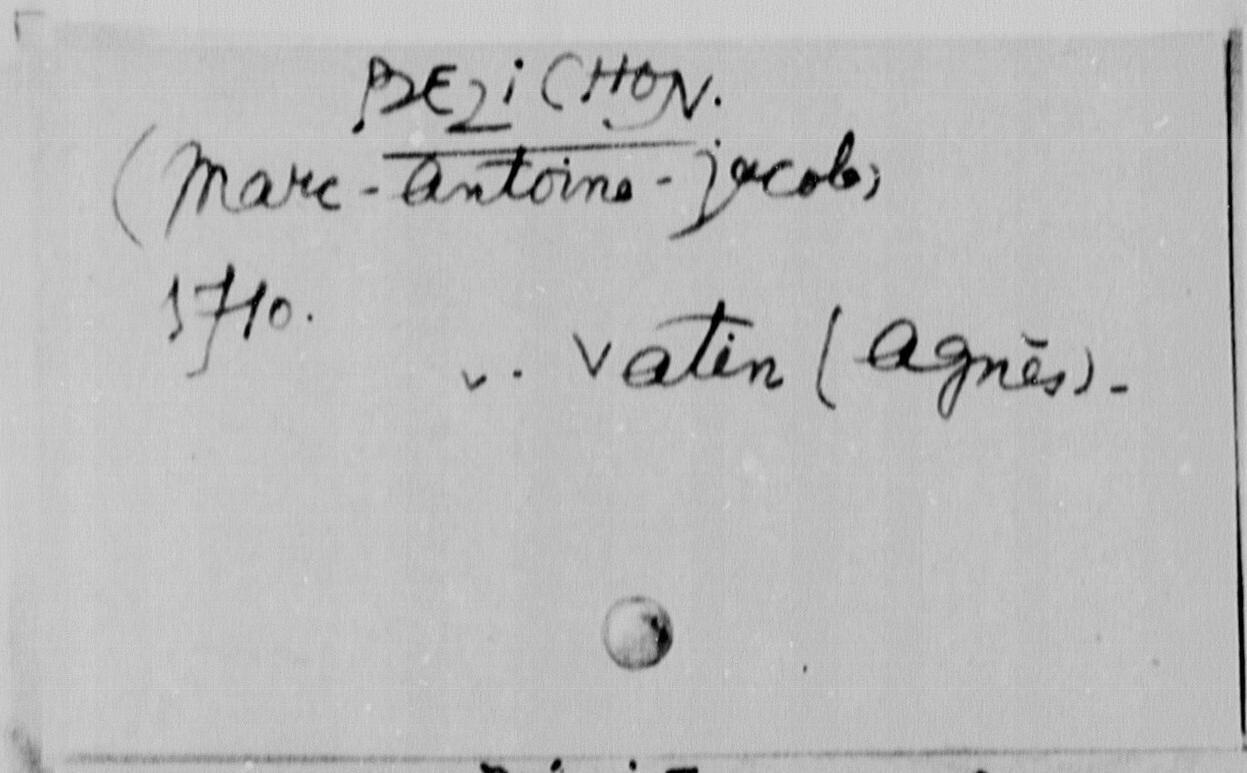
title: BELICHON (Marc-Antoine-Jacob)
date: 1710
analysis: Voir VATIN (Agnés)
